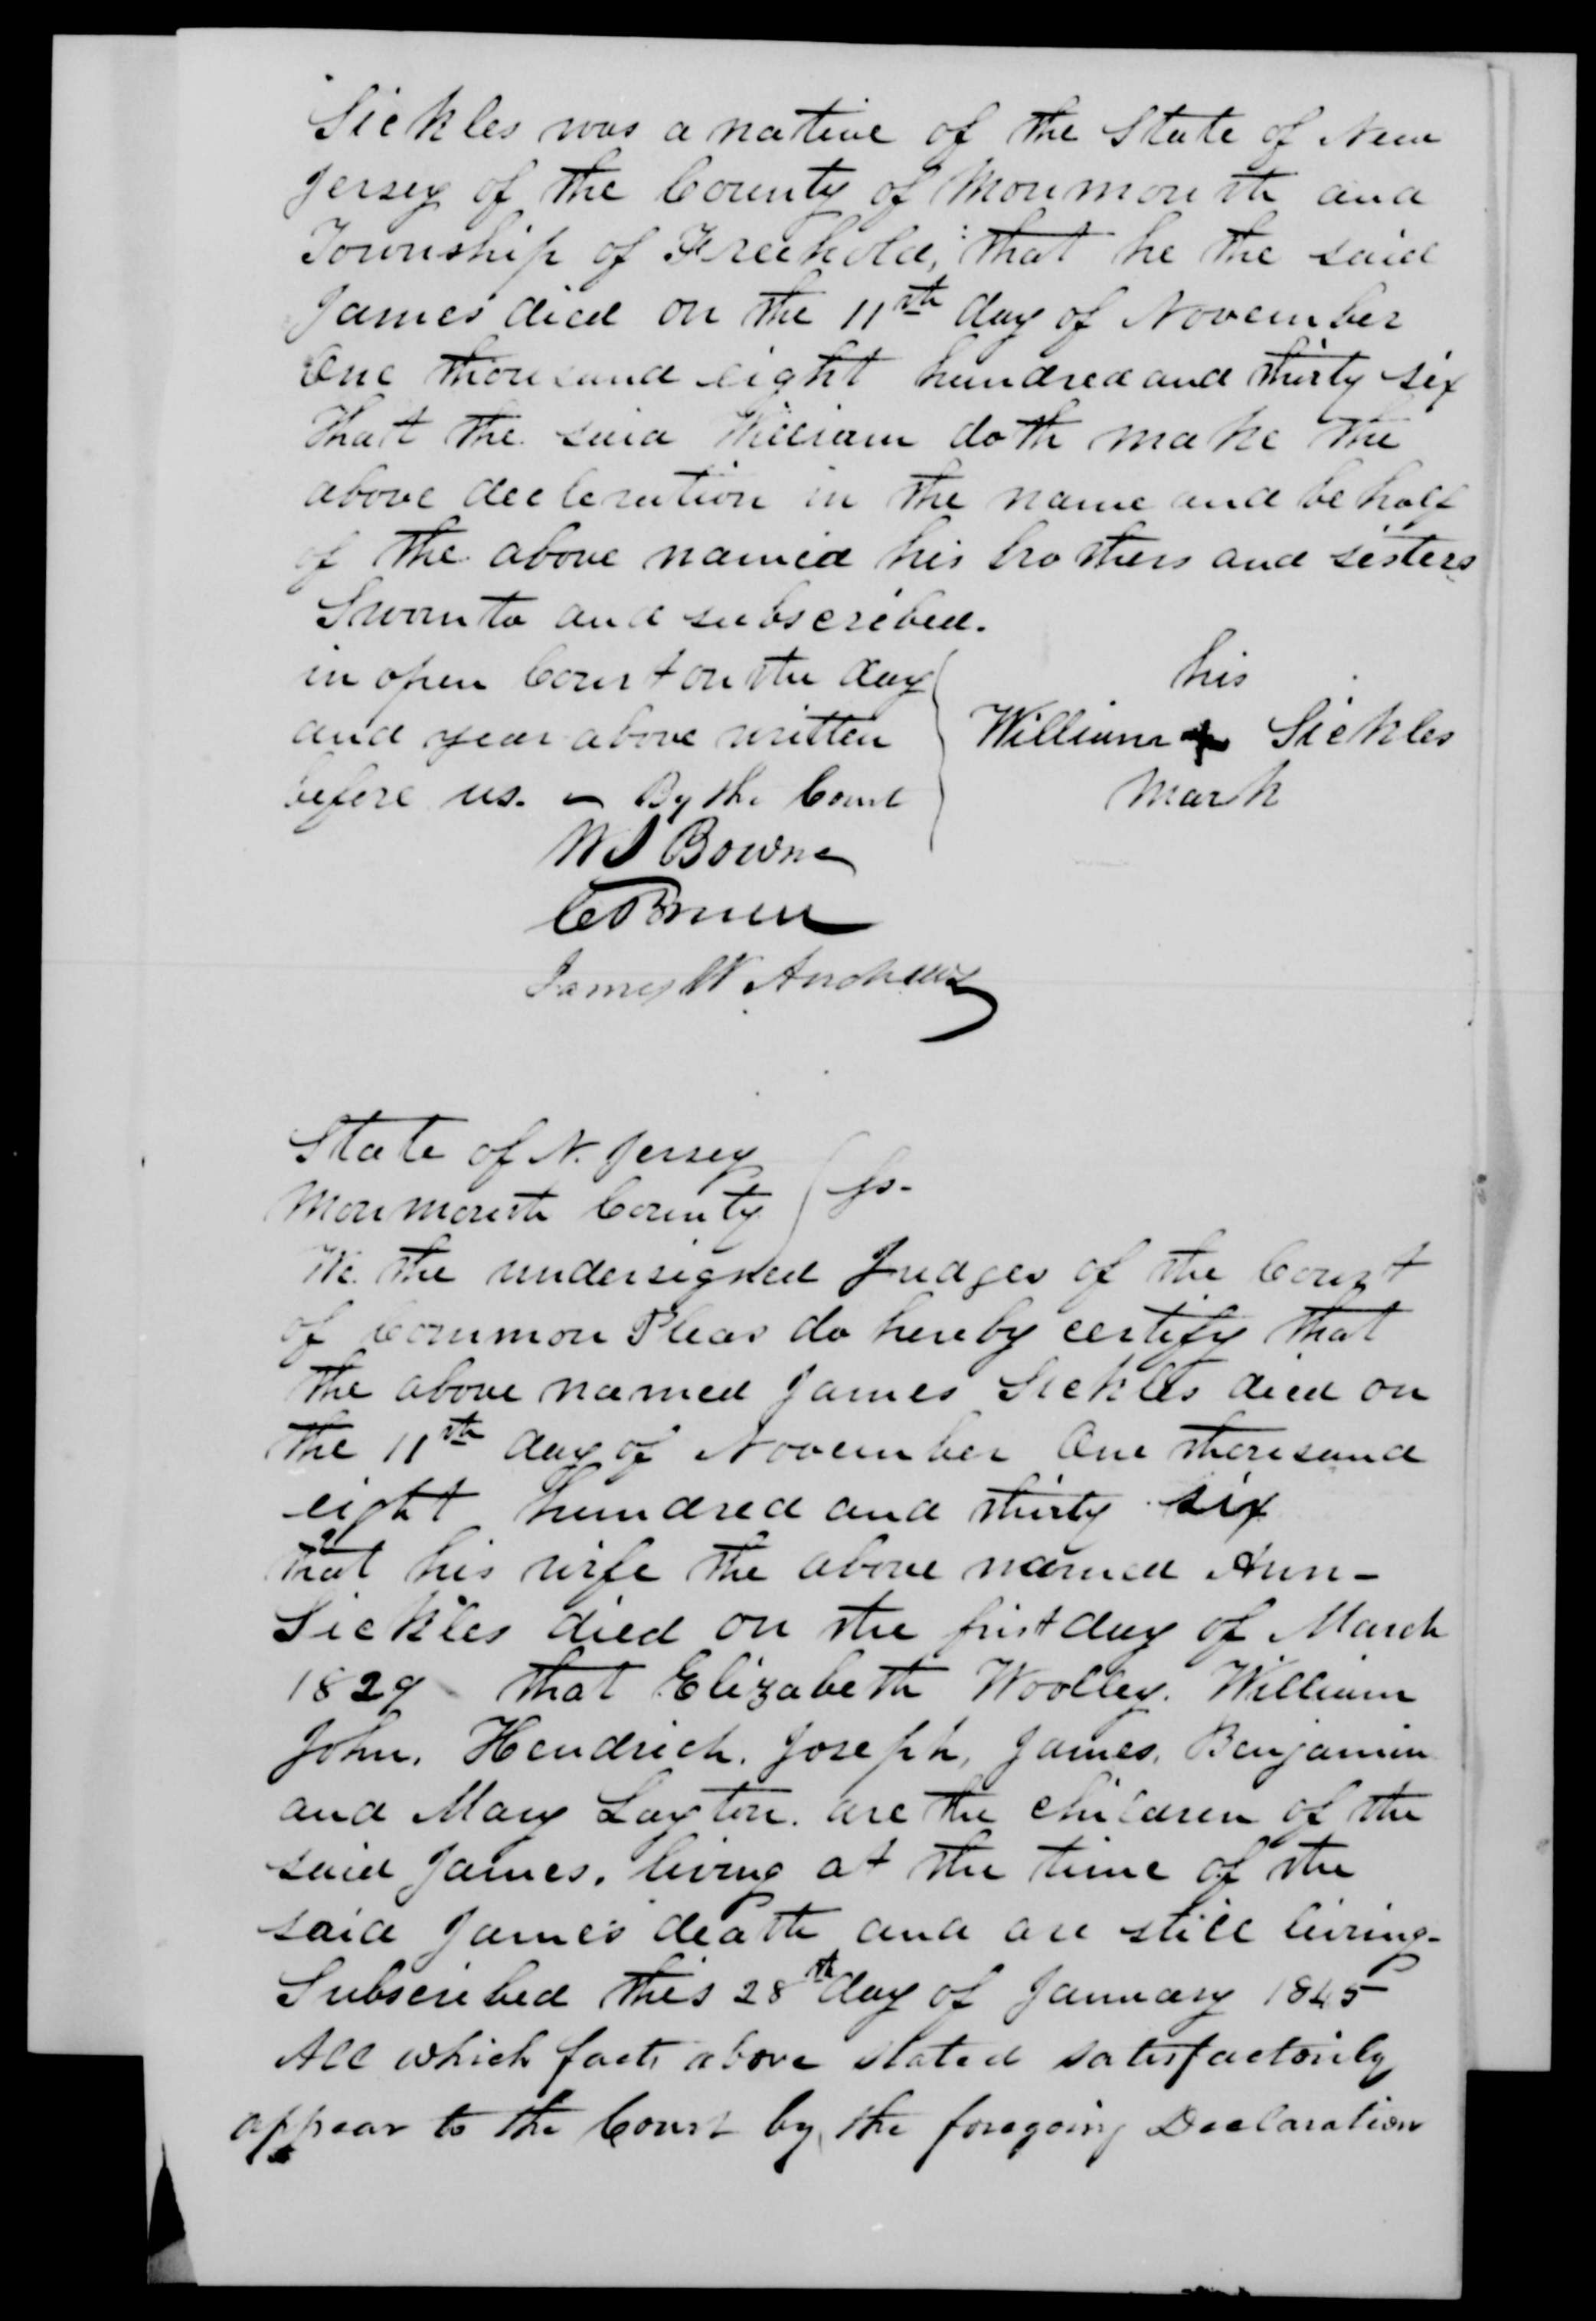Sickles was a native of the State of New Jersey of the County of Monmouth and Township of Freehold, that he the said James died on the 11th day of November One thousand eight hundred and thirty six That the said William doth make the above decleration in the name and behalf of the above named his brothers and sisters
Sworn to and subscribed.
in open Court on the day}   his
and year above written} William X Sickles
before us. By the Court}    mark
W J Bowne
C Bruen
James W Andrews

State of N. Jersey}
Monmouth County} Ss.
We the undersigned Judges of the Court of Common Pleas do hereby certify that the above named James Sickles died on the 11th day of November One thousand eight hundred and thirty six that his wife the above named Ann Sickles died on the first day of March 1829, that Elizabeth Woolley, William, John, Hendrick, Joseph, James, Benjamin and Mary Layton, are the children of the said James, living at the time of the said Jame's death and are still living -
Subscribed this 28th day of January 1845
All which facts above Stated satisfactorily
appear to the Court by the foregoing Declaration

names: William Sickles; William Layton; C Bruen; James [BLANK]; [BLANK] Sickles; John Layton; Joseph Layton; James Sickles; James [BLANK]; Elizabeth Woolley; James [BLANK]; Mary Layton; William [BLANK]; W J Bowne; Benjamin Layton; James W Andrews; Ann Sickles; James Layton; Hendrich Layton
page: 5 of 33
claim: survivor's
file: S. 4,841, for James Sickles, New Jersey